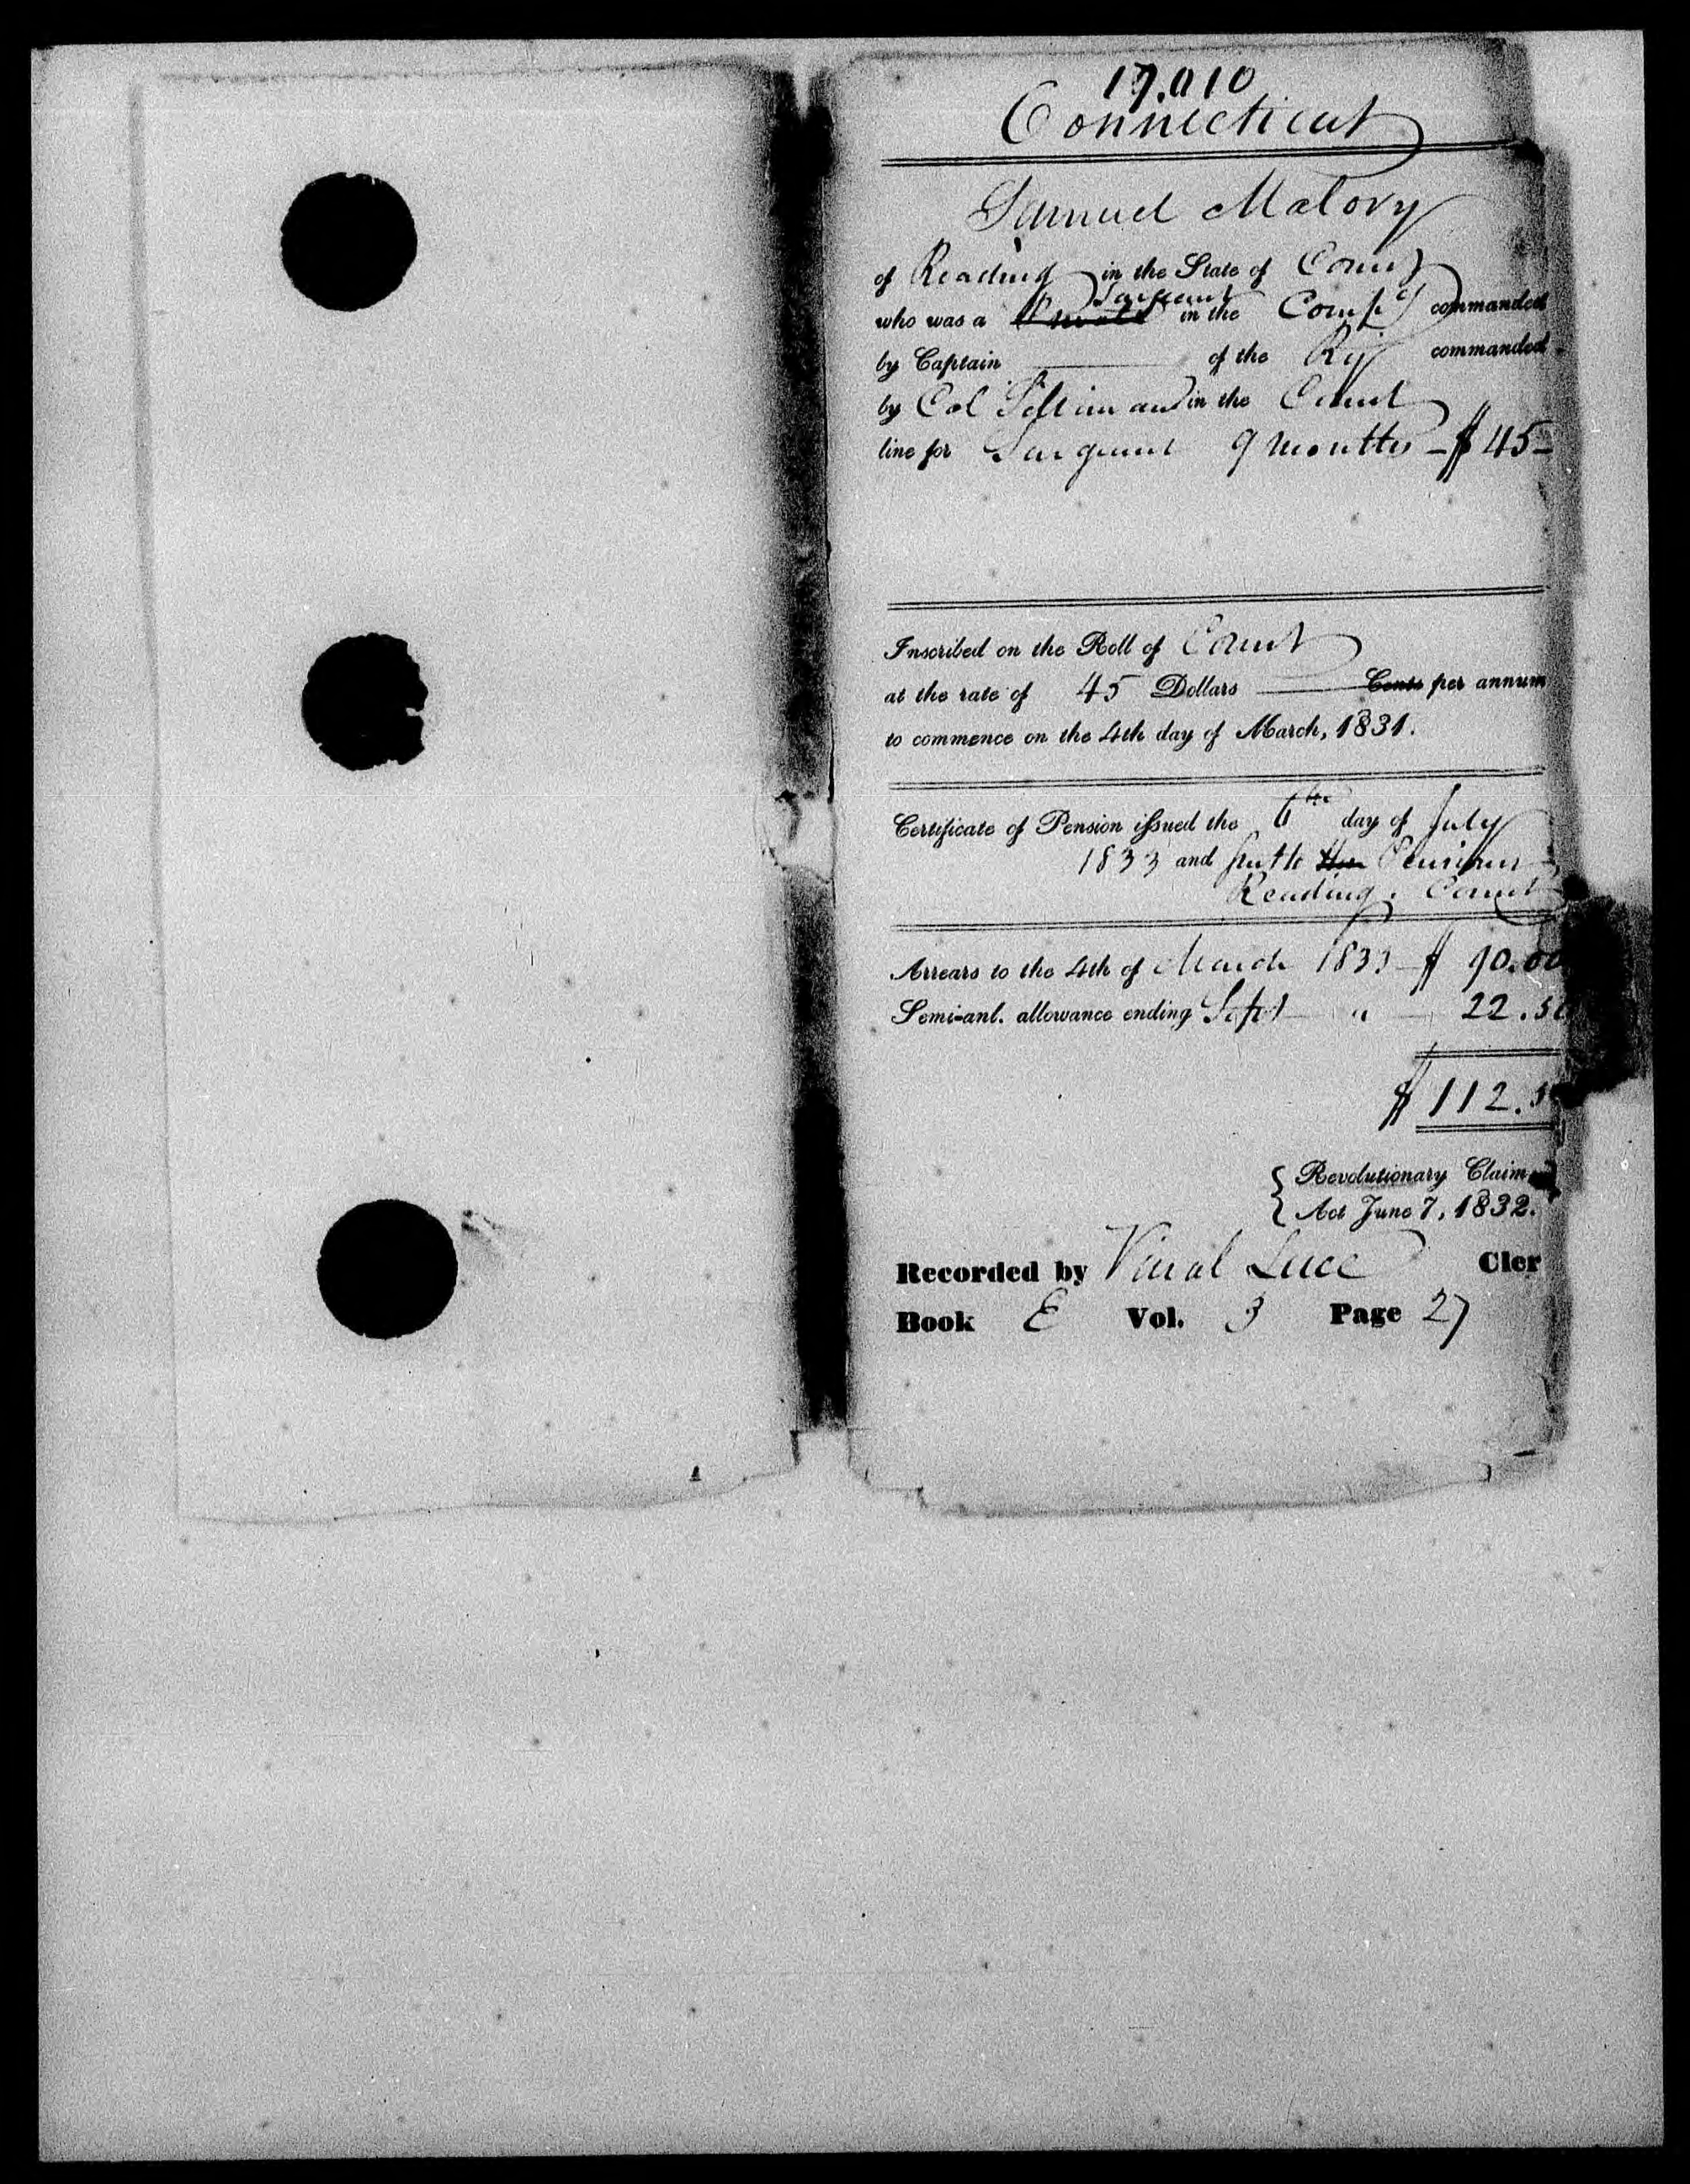17.010  
Connecticut 
Samuel Malory 
of Reading in the State of Connt who was a Sargeant in the Compy commanded by Captain -  of the Regt commanded by Col Silliman in the Connt line for 9 months - $45 
Inscribed on the Roll of Connt at the rate of 45 Dollars per annum to commence on the 4th day of March, 1831. 
Certificate of Pension issued the 6th day of July 1833 and sent to Pensioner Reading Connt
Arrears to the 4th of March 1833   $90.00 
Semi-anl. allowance ending Sept 4 1833   22.50   
$112.50 
{Revolutionary Claim Act June 7, 1832}
Recorded by Vinal Luce  Clerk  
Book E  Vol. 3 Page 27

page: 2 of 29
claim: survivor's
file: S. 23,312, for Samuel Mallery, Connecticut